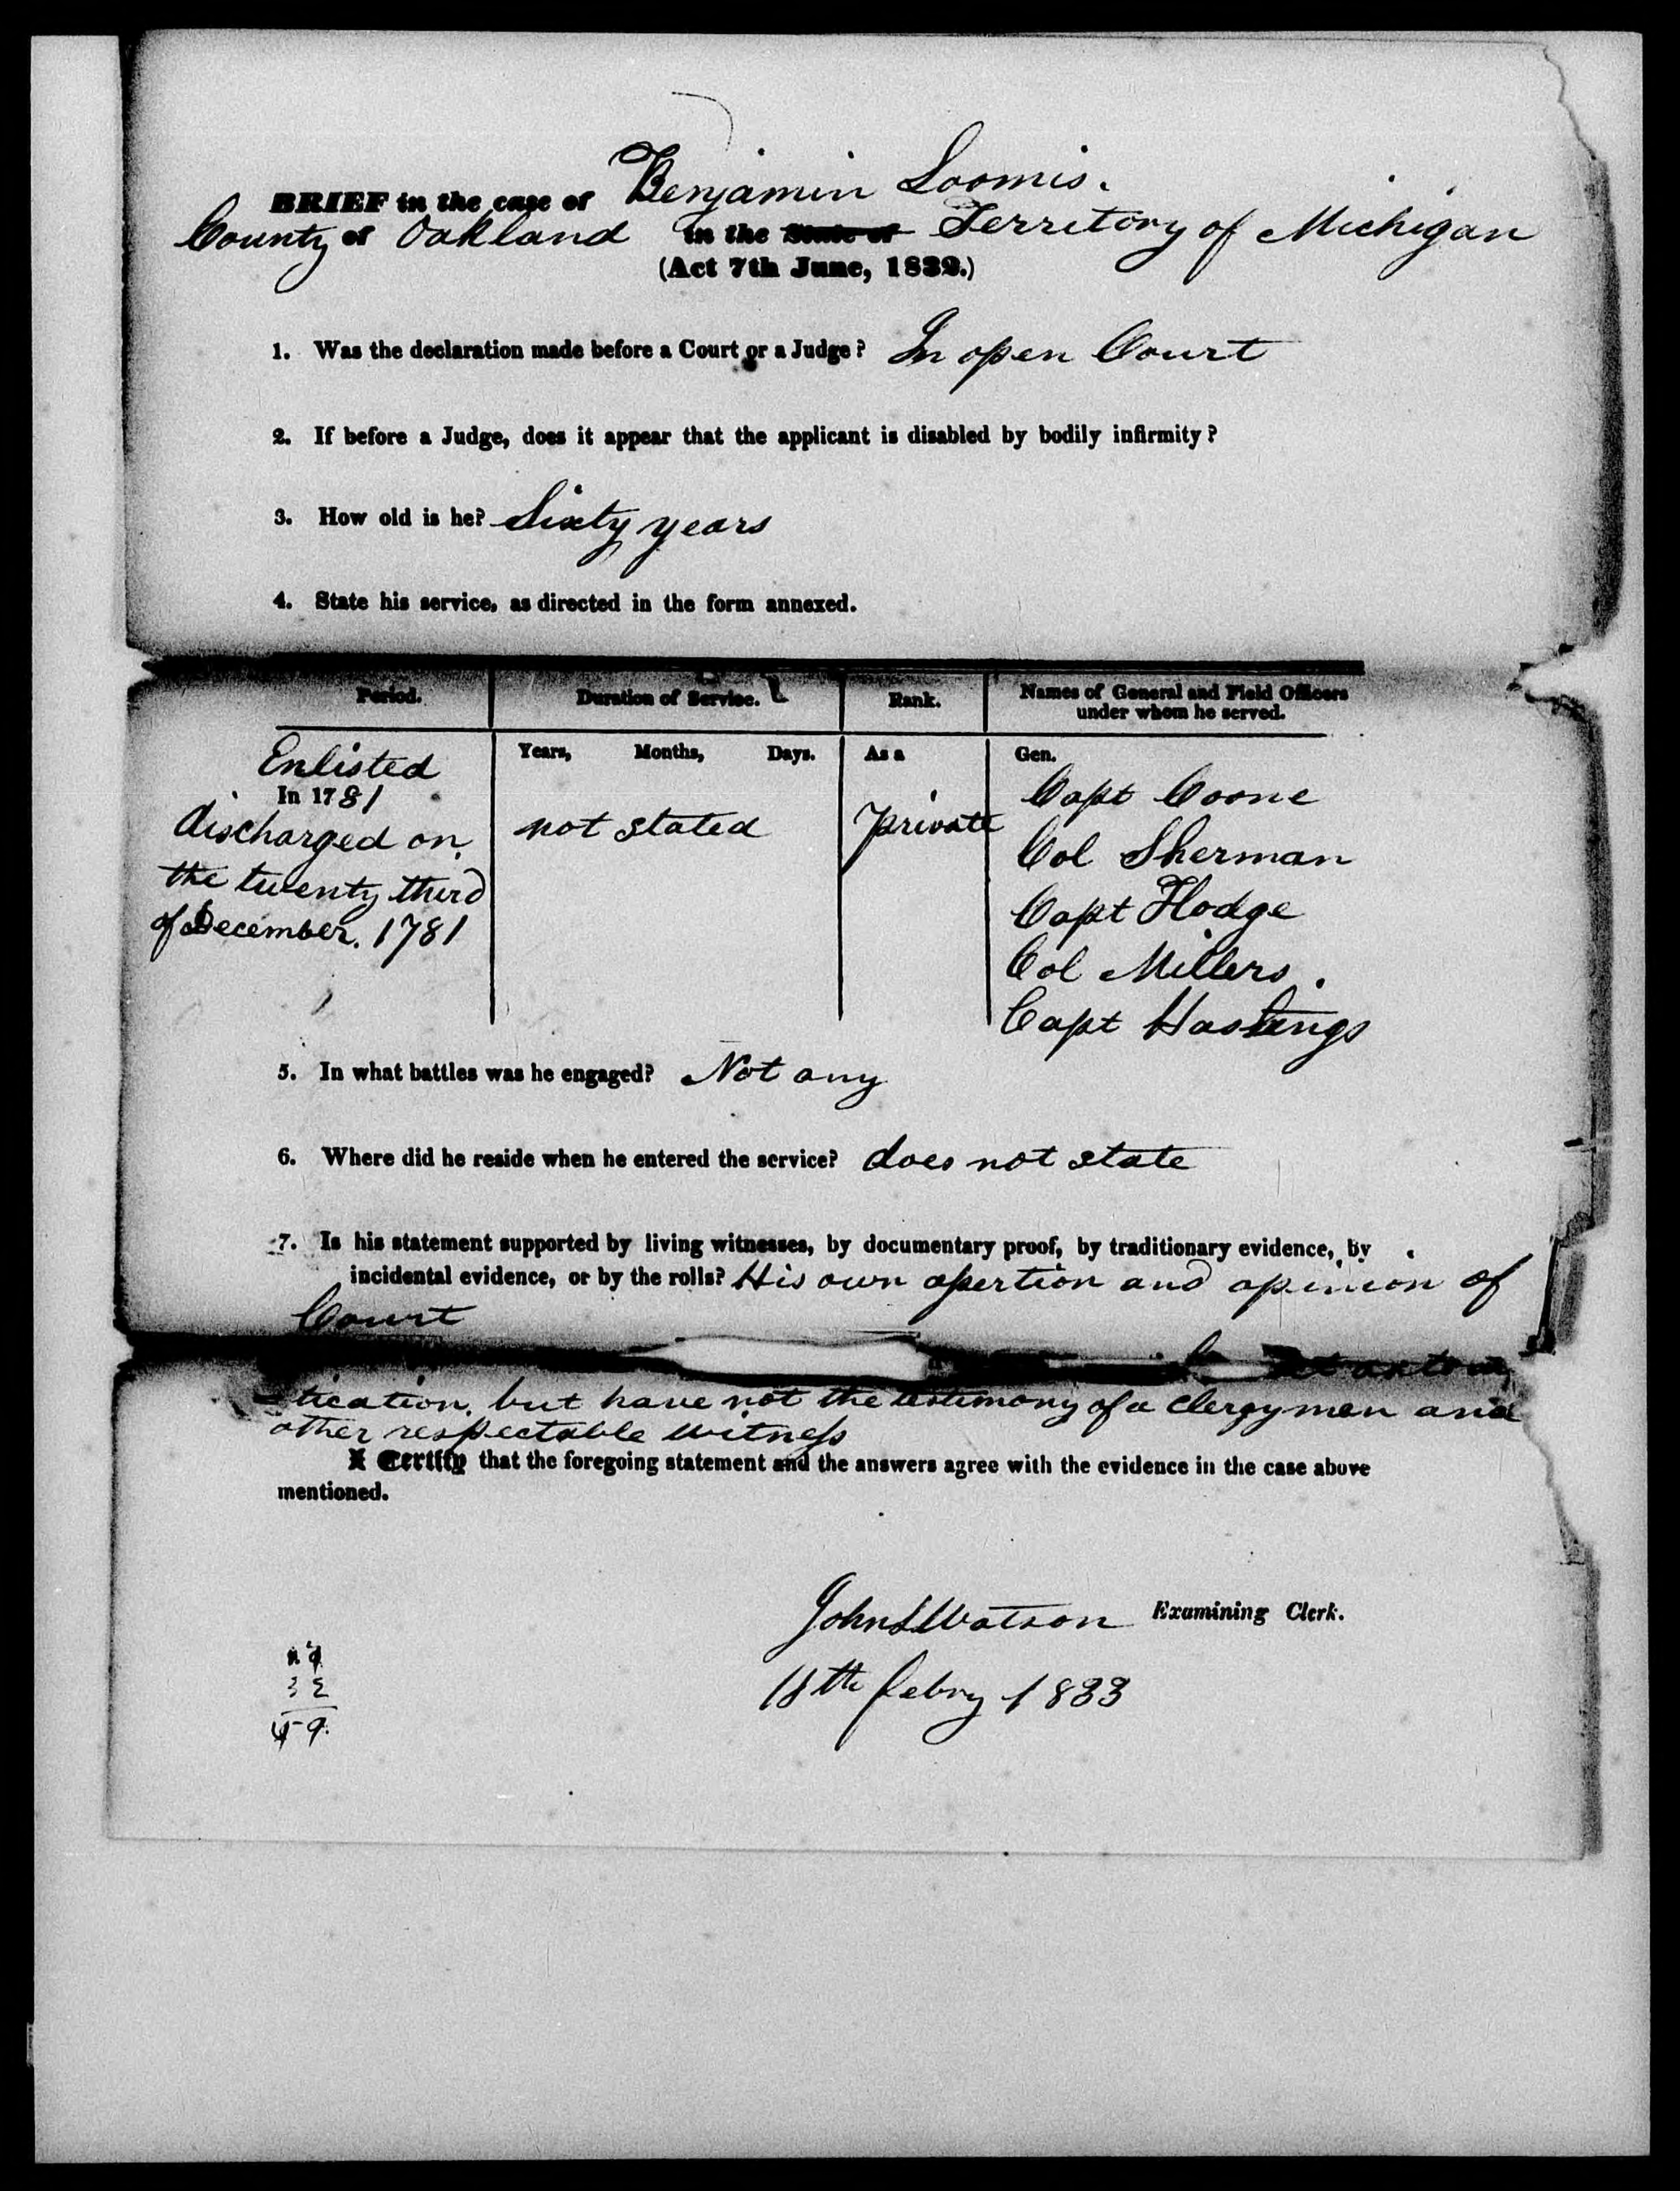BRIEF in the case of Benjamin Loomis
County of Oakland in the Territory of Michigan
(Act 7th June, 1832.)

1. Was the declaration made before a Court or a Judge? In open Court
2. If before a Judge, does it appear that the applicant is disabled by bodily infirmity?
3. How old is he? Sixty years
4. State his service, as directed in the form annexed.

[column headings: Period. Duration of Service. Rank. Names of General and Field Officers under whom he served.]

Enlisted in 1781 discharged on the twenty third of December 1781 | Not stated | private | Capt. Coone |
Col Sherman
Capt Hodge
Col Millers
Capt Hastings

5. In what battles was he engaged? Not any
6. Where did he reside when he entered the service? Does not state
7. Is his statement supported by living witnesses, by documentary proof, by traditionary evidence, By incidental evidence, or by the rolls? His own assertion and opinion of Court
[illegible] but have not the testimony of a clergyman and other respectable witnesses
I Certify that the foregoing statement and answers agree with the evidence in the case above mentioned.
John S Watson Examining Clerk.
18th Febry 1833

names: [BLANK] Millers; [BLANK] Hastings; Benjamin Loomis; [BLANK] Sherman; [BLANK] Hodge; John S Watson; [BLANK] Coone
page: 3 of 13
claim: rejected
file: R. 6441, for Benjamin Loomis, Connecticut